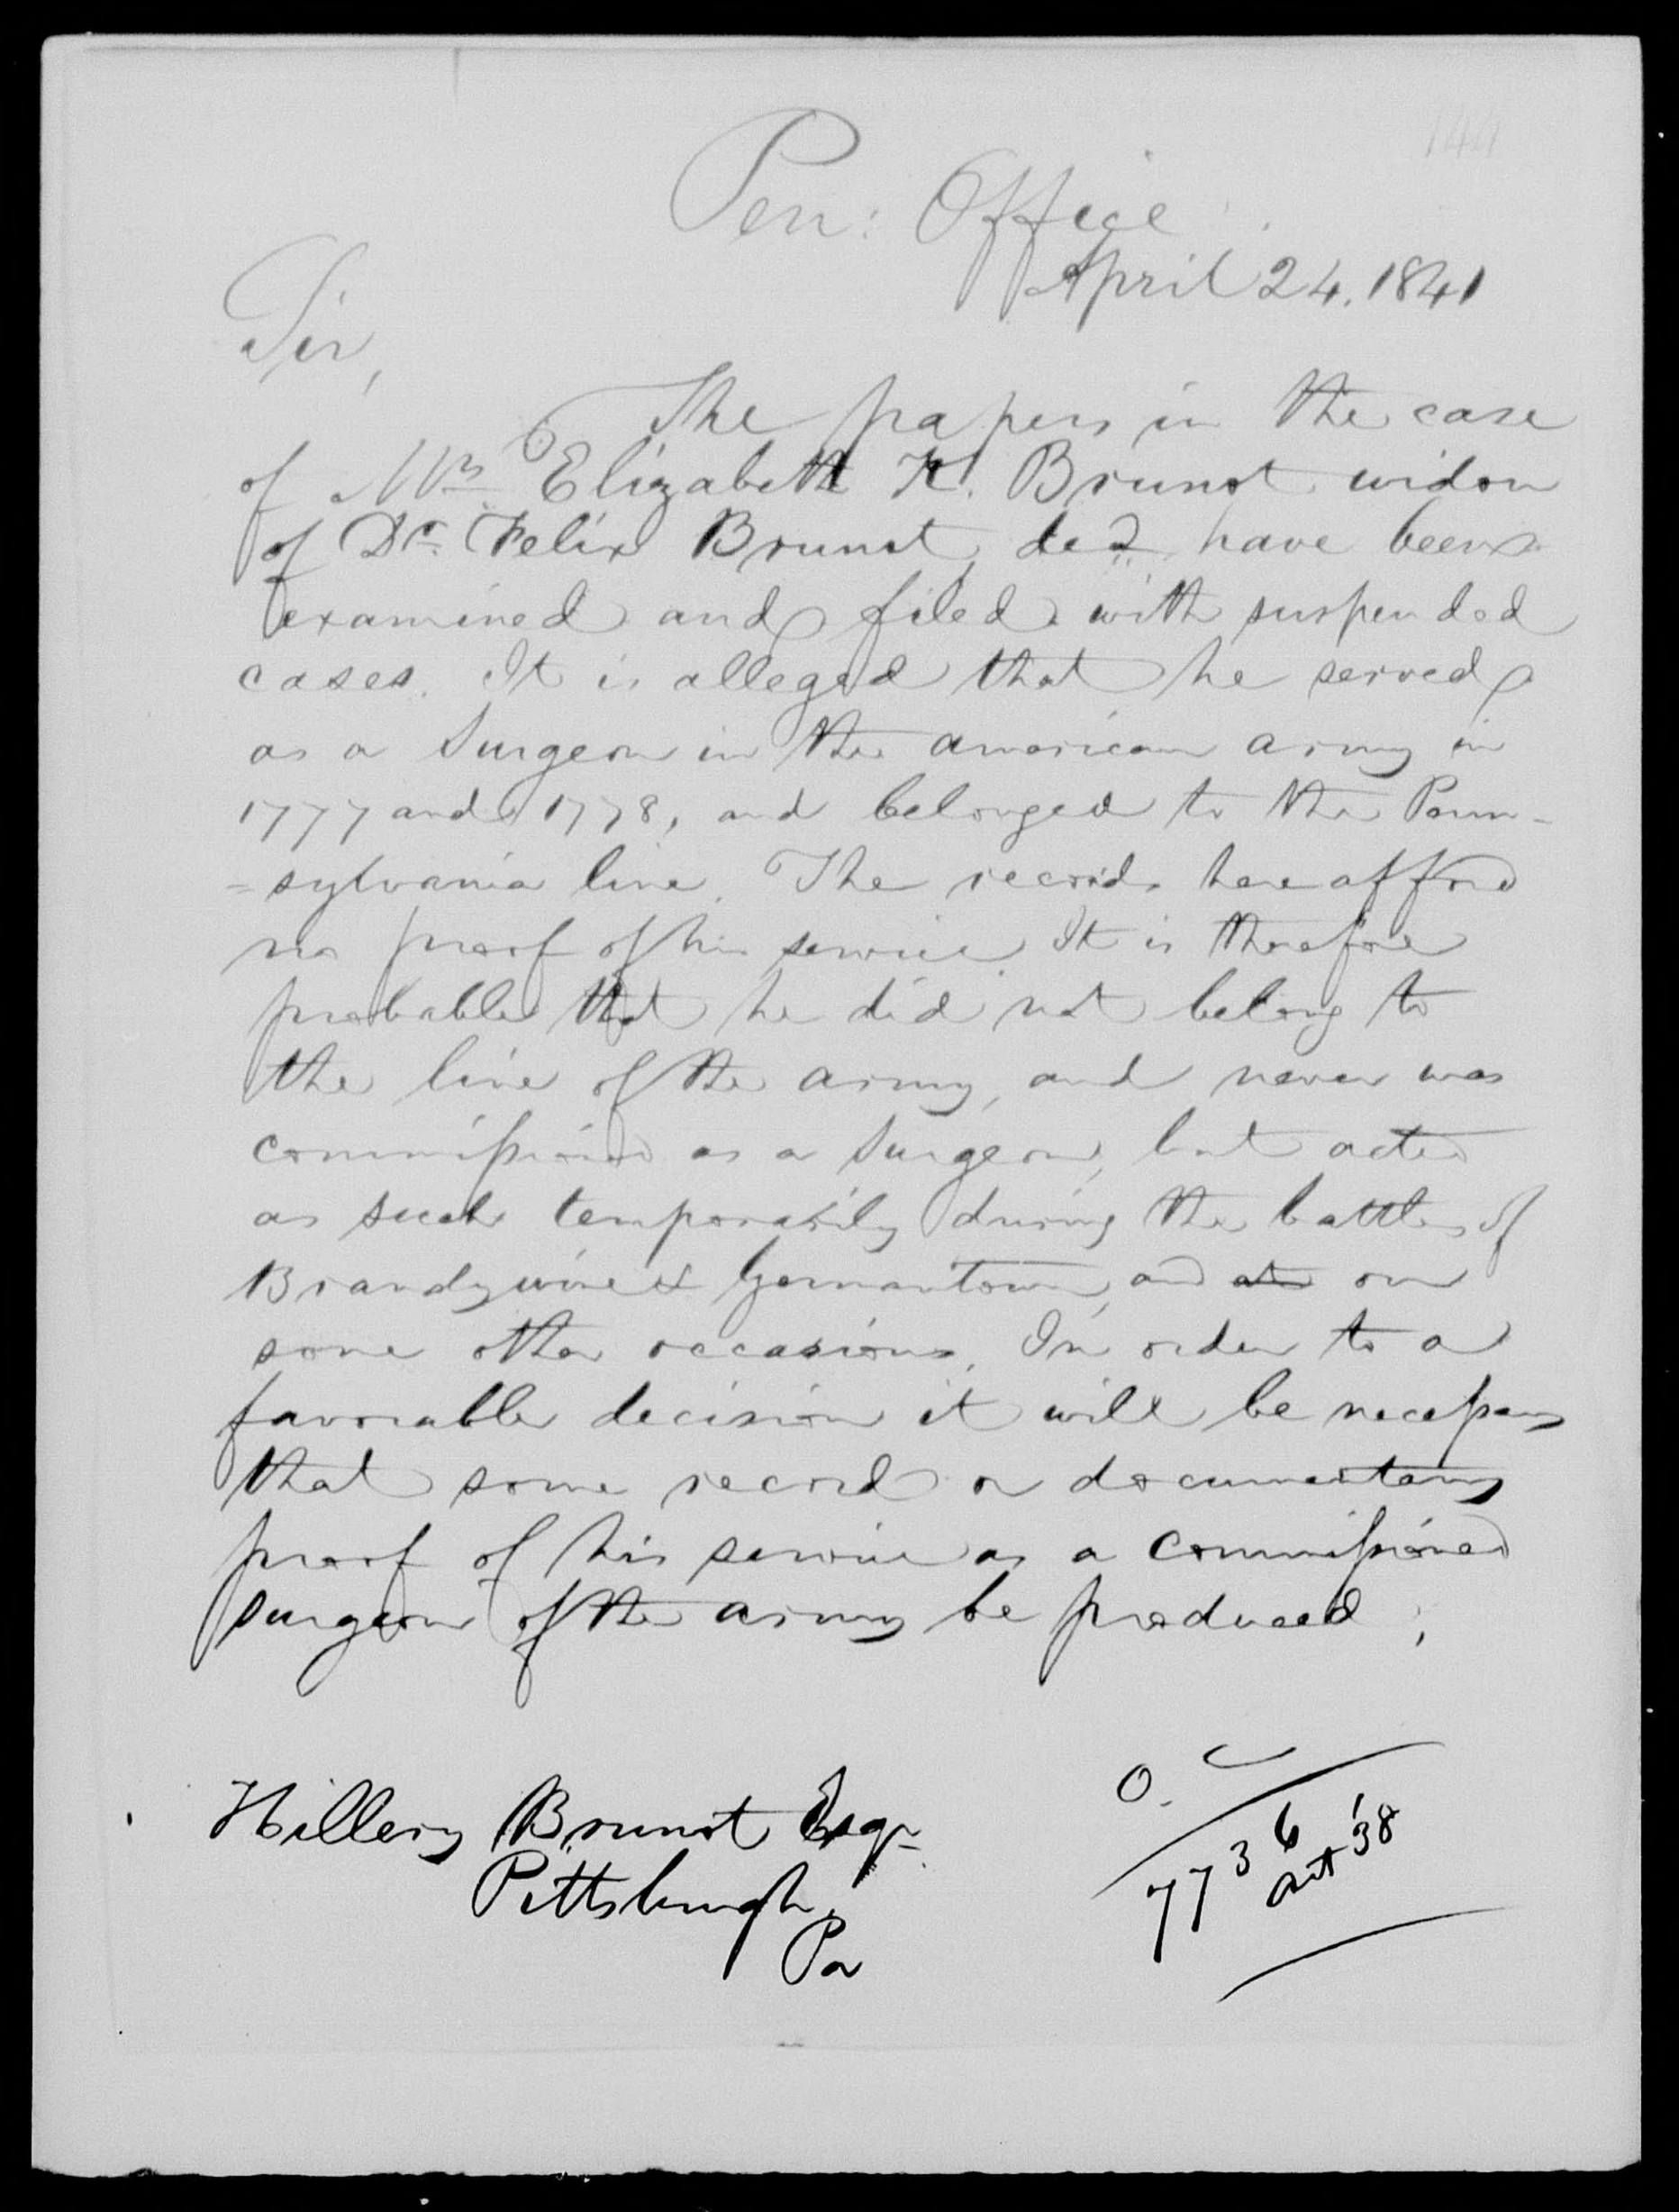Pen. Office
April 24, 1841
Sir,
The papers in the care of Mrs. Elizabeth K. Brunot widow of Dr. Felix Brunot ded. have been examined and filed with suspended cases.  It is alleged that he served as a Surgeon in the American army in 1777 and 1778, and belonged to the Pennsylvania line.  The records here afford no proof of his service.  It is therefore probable that he did not belong to the line of the army and never was commissioned as a Surgeon but acted as such temporarily during the battles of Brandywine and Germantown or on some other occasions.  In order to a favorable decision it will be necessary that some record or documentary proof of this service as a commissioned surgeon of the army be produced.
Hillery Brunot Esq
Pittsburgh Pa
O.C
7736 art '38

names: Elizabeth K Brunot, Hillery Brunot, Felix Brunot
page: 21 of 34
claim: rejected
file: R. 1371, Felix Brunot, Penn.